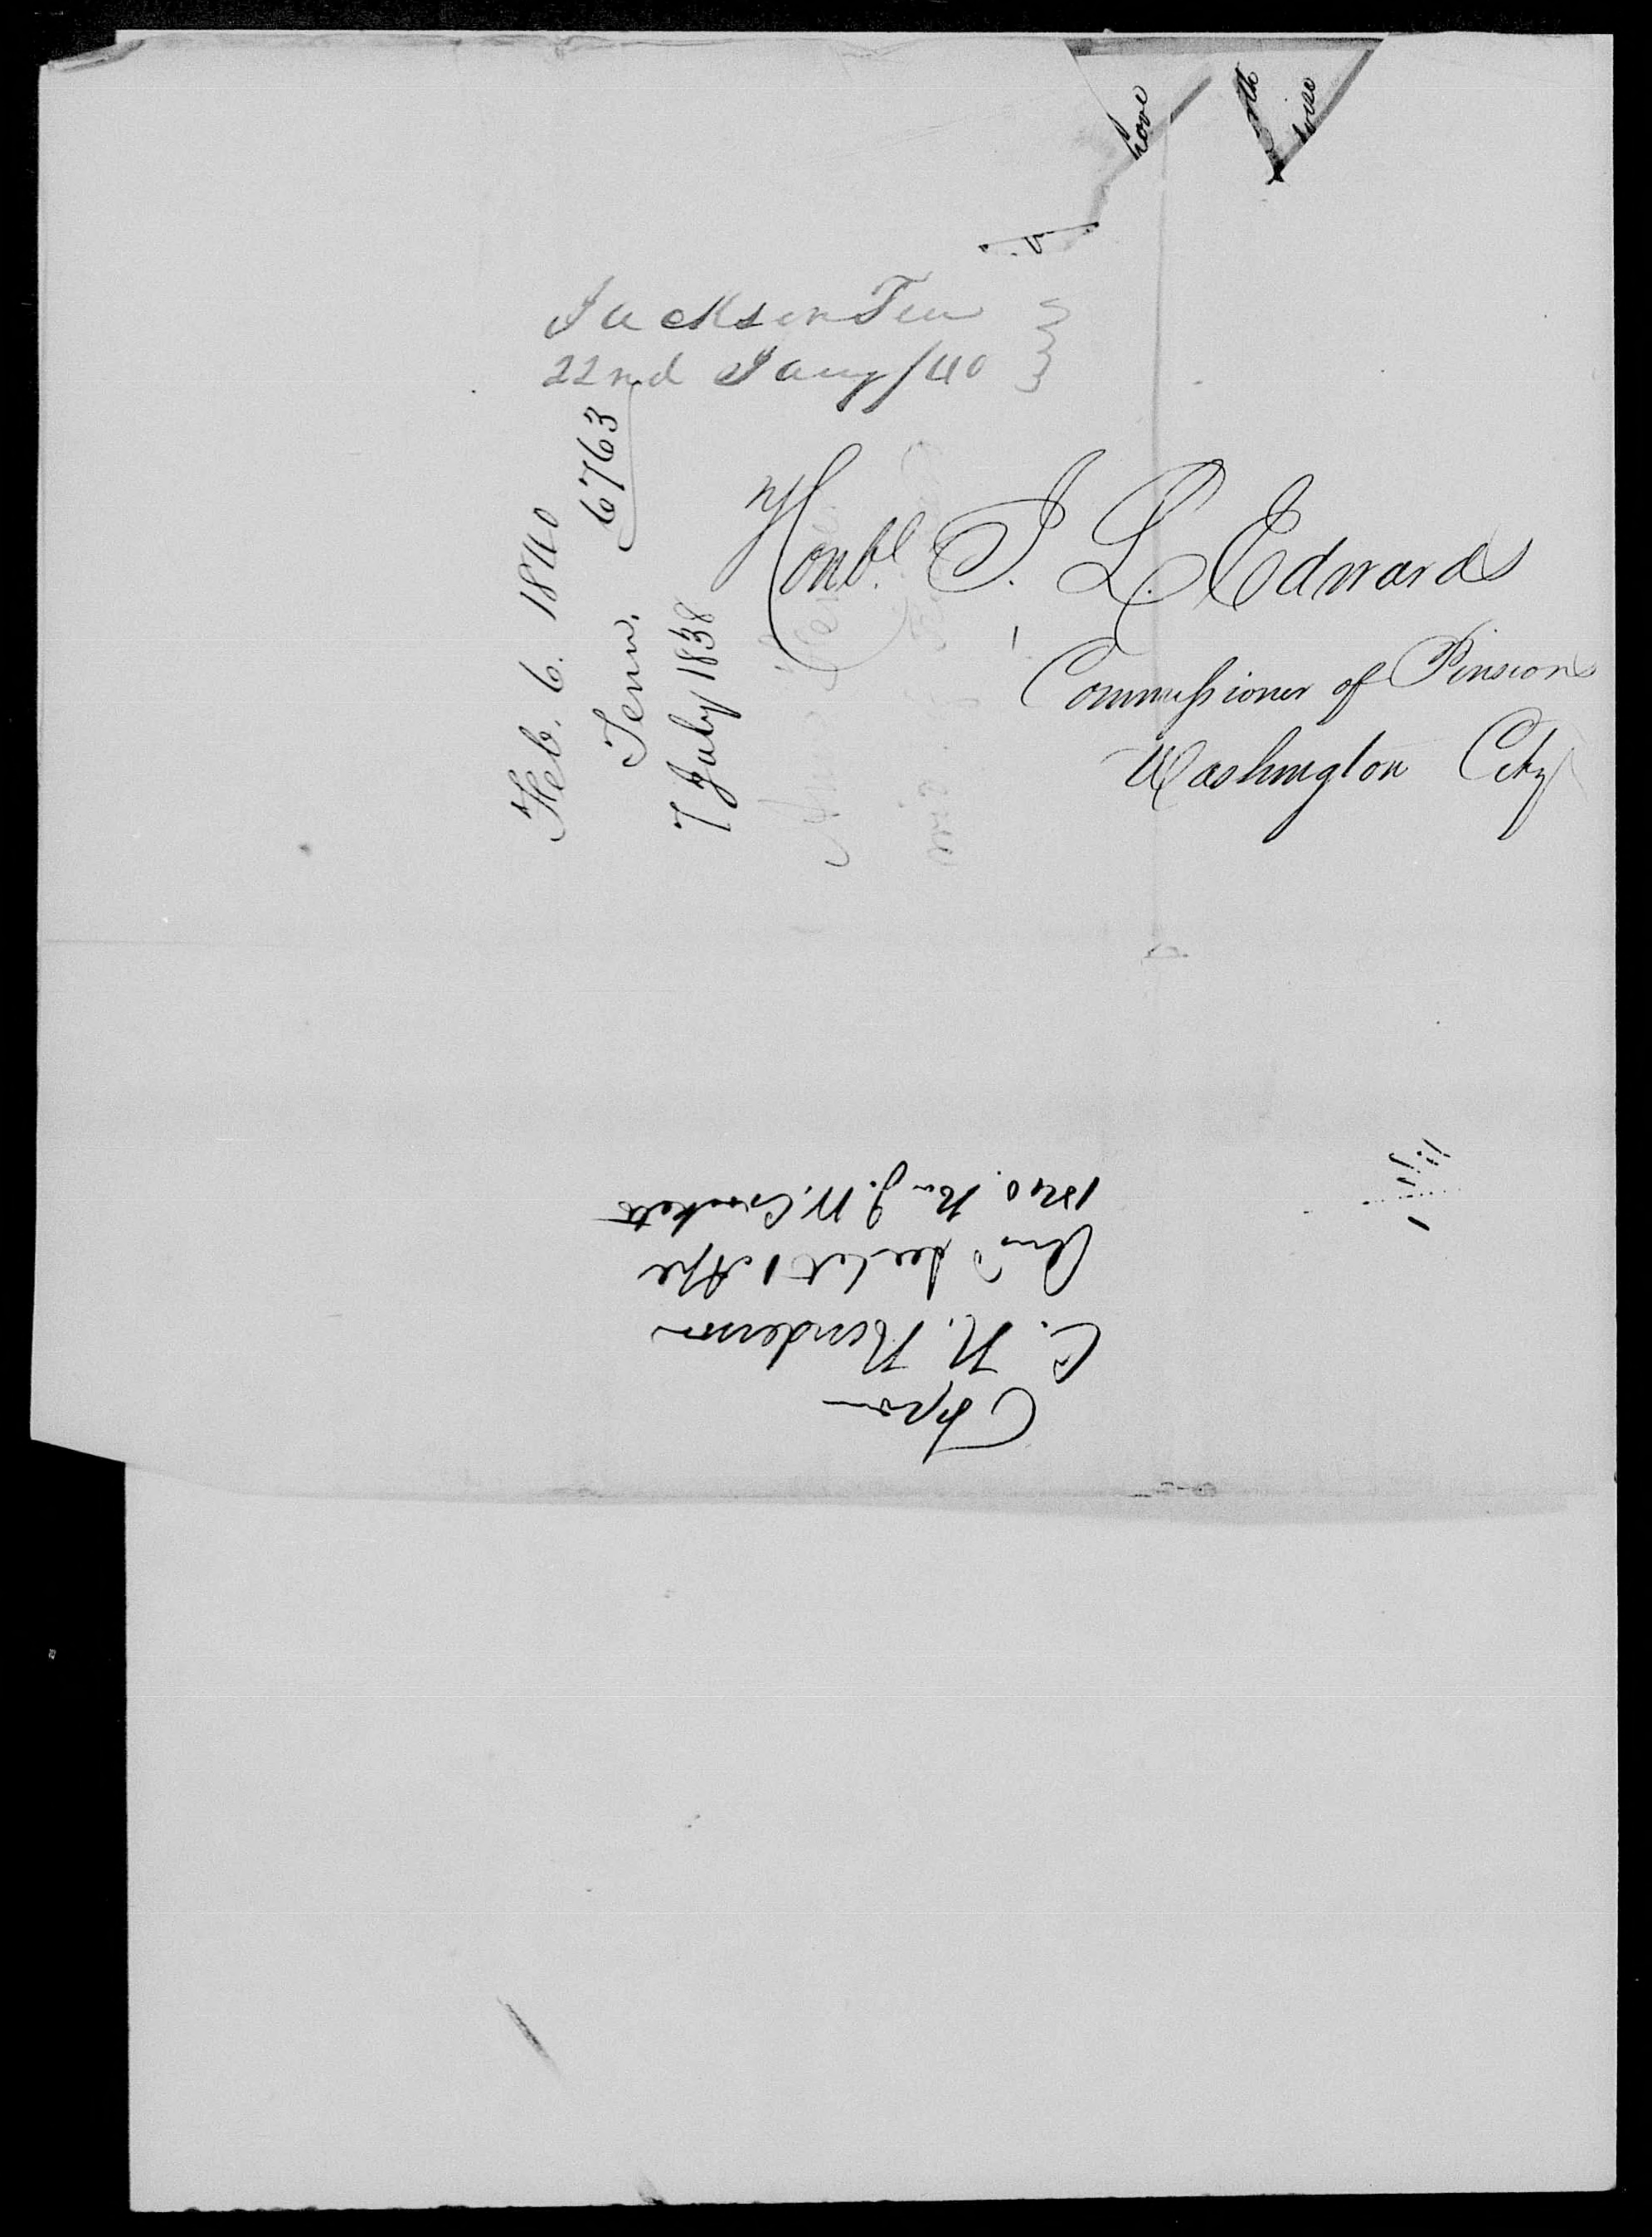[this is an envelope]

Jackson Ten
22nd Januy/40

Honbl. J. L. Edwards
Commission of Pensions
Washington City

Feb 6, 1840 Tenn. 6763
7 July 1838

C.H. Henderson
[illegible] Ave
[illegible] J. W. Crockett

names: C H Henderson, J W Crockett, J L Edwards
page: 26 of 39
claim: widow's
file: W. 789, Richard Fenner, N.C.